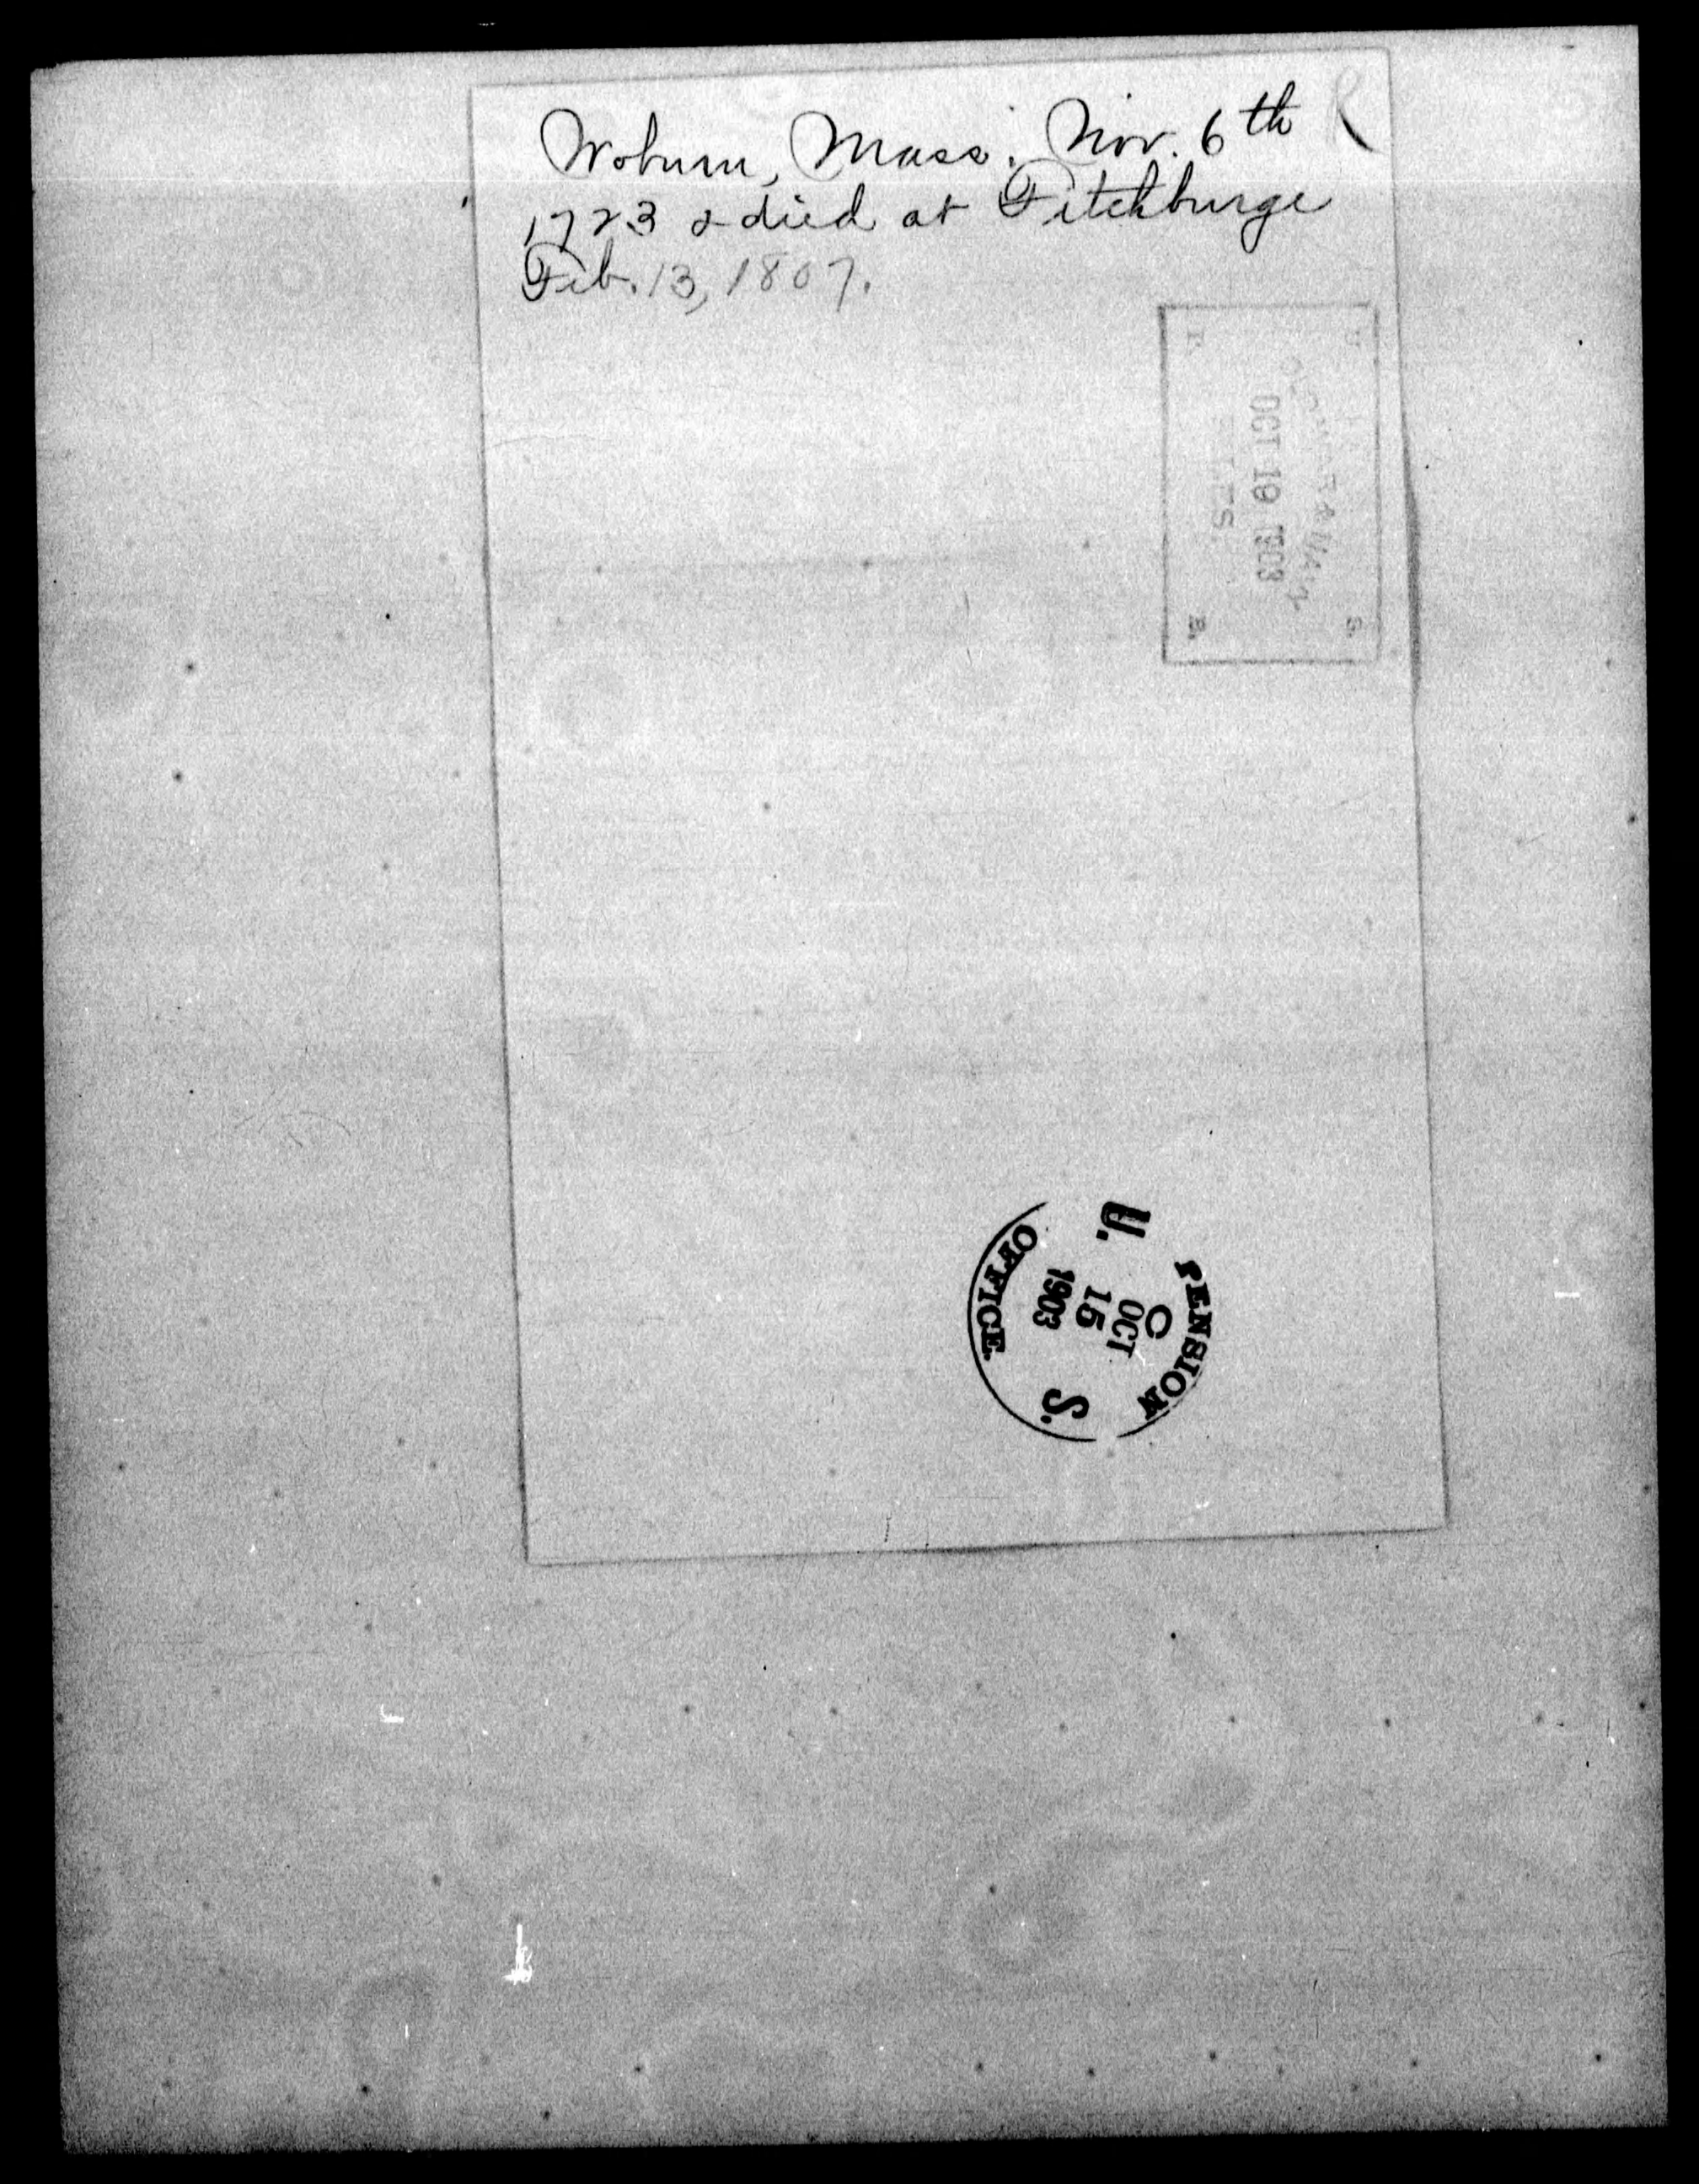Woburn, Mass Nov 6th
1723 & died at Fitchburg Feb. 13, 1807.

[stamp] OLD WAR & NAVY FILES OCT 19 1903

[stamp] U.S.PENSION OFFICE O OCT 15 1903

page: 19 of 19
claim: survivor's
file: S 41975, for Hinds Reed, New Hampshire